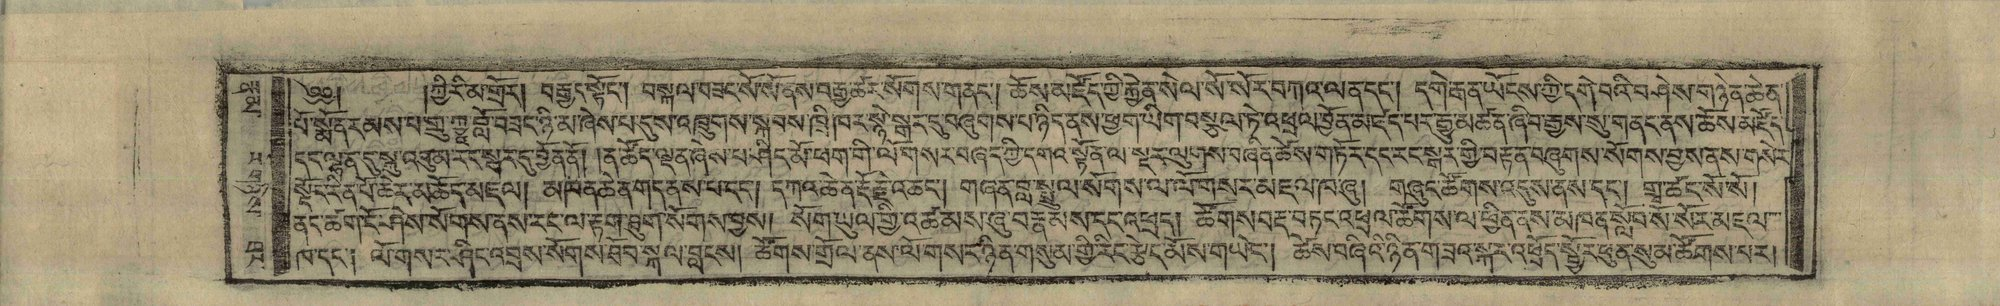༄༅། །ཀྱི་རིམ་གྲོར། བརྒྱད་སྟོང་། བསྐལ་བཟང་སོ་སོ་ནས་བརྒྱ་ཚར་སོགས་གནང་། ཆོས་མཛོད་ཀྱི་རྐྱེན་སེལ་སོ་སོར་བཀའ་ལན་དང་། དགེ་རྒན་ཡོངས་ཀྱི་དགེ་བའི་བཤེས་གཉེན་ཆེན་
པོ་སྨོན་རམས་པ་གྲུ་ཀྱཱ་བློ་བཟང་ཉི་མ་ཞེས་པ་དུས་འཁྲུགས་སྐབས་ཁྲི་ཁར་སྙེ་སྒར་དུ་བཞུགས་པ་ཉིད་ནས་ཕྱག་ཡིག་བསྩལ་ཏེ་འཕྲལ་བྱོན་མཛད་པར་རྒྱུ་མཚན་ཞིབ་རྒྱས་སུ་གནང་ནས་ཆོས་མཛོད་
དང་ལྷན་དུ་སྐུ་འབུམ་རང་སྒར་དུ་བྱོན་ནོ། །ན་ཚོད་ལྡན་ཞེས་པ་ཤིང་མོ་ཕག་གི་ལོ་གསར་བཞད་ཀྱི་དགའ་སྟོན་ལ་སྔར་ལུགས་བཞིན་ཚེས་གཏོར་དང་རང་སྒར་གྱི་བརྟན་བཞུགས་སོགས་བྱས་ནས་གསེར་
སྡོང་རིན་པོ་ཆེར་མཆོད་མཇལ། མཁན་ཆེན་གདན་ས་པ་དང་། དཀའ་ཆེན་རྡོ་རྗེ་འཆང་། གཞན་བླ་སྤྲུལ་སོགས་ལ་ལོ་གསར་མཇལ་ཁ་ཞུ། གཞུང་ཚོགས་འདུས་ནས་དང་། གྲྭ་ཚང་སོ་སོ།
ནང་ཚག་ངོ་ཤེས་སོགས་ནས་རང་ལ་རྟག་ཐུག་སོགས་བྱས། སོག་ཡུལ་གྱི་འཚམས་ཞུ་བ་རྣམས་དང་འཕྲད། ཚོགས་བརྡ་བཏང་འཕྲལ་ཚོགས་ལ་ཕྱིན་ནས་མཁན་སློབ་སོ་སོར་མཇལ་
ཁ་དང་། ལོ་གསར་ཤིང་འབྲས་སོགས་ཐོབ་སྐལ་བླངས། ཚོགས་གྲོལ་ནས་ལོ་གསར་ཉིན་གསུམ་གྱི་རིང་རྩེད་མོས་གཡེང་། ཚེས་བཞིའི་ཉིན་གཟའ་སྐར་འཕྲོད་སྦྱོར་ཕུན་སུམ་ཚོགས་པར།